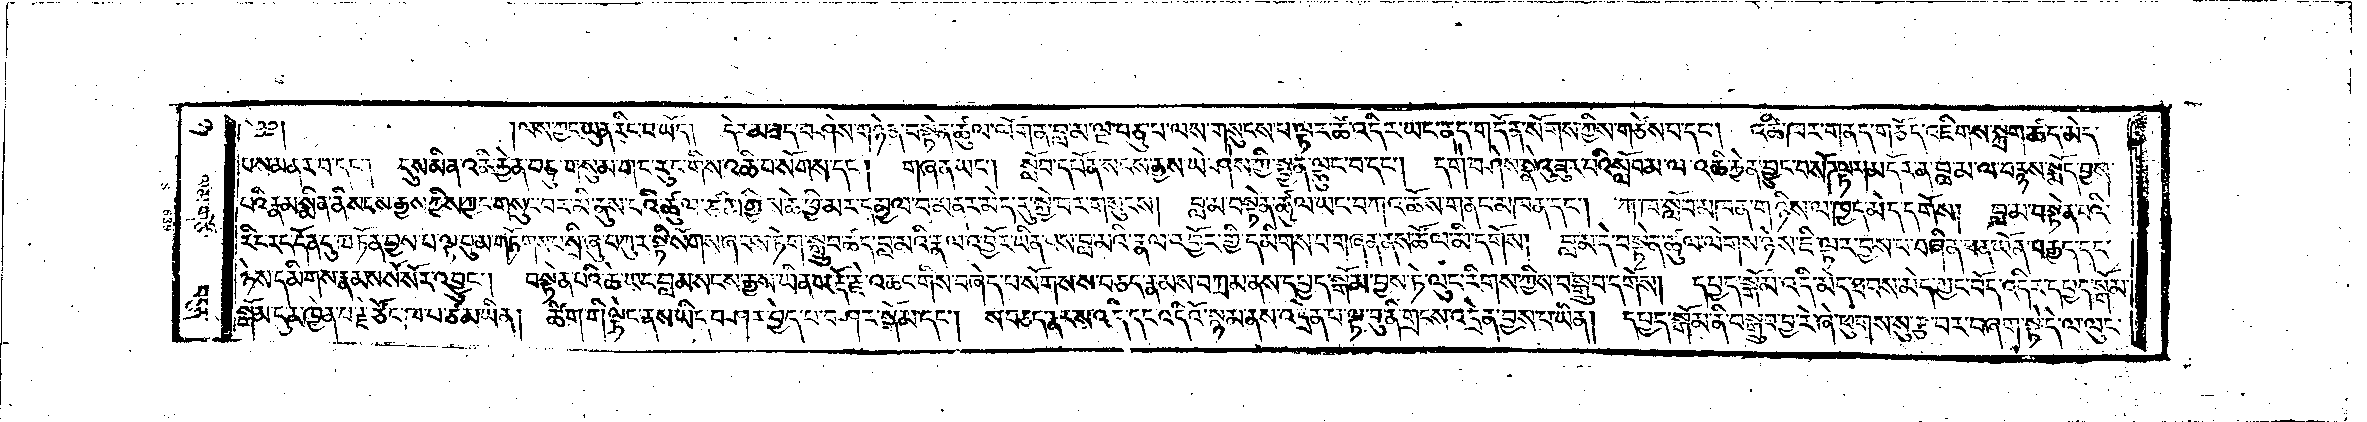༄༅། །ལས་ཀྱང་ཡུན་རིང་བ་ཡོད། དེར་མ་ཟད་བཤེས་གཉེན་བསྟེན་ཚུལ་ལོག་ན་བླ་མ་ལྔ་བཅུ་པ་ལས་གསུངས་པ་ལྟར་ཚེ་འདིར་ཡང་ནད་གདོན་སོགས་ཀྱིས་གཙེས་པ་དང་། འཆི་ཁར་གནད་གཅོད་འཇིགས་སྐྲག་ཚད་མེད་
པས་མནར་བ་དང་། དུས་མིན་འཆི་རྐྱེན་བཅུ་གསུམ་གང་རུང་གིས་འཆི་བ་སོགས་དང་། གཞན་ཡང་། སློབ་དཔོན་སངས་རྒྱས་ཡེ་ཤེས་ཀྱི་སྤྱན་ལྷུང་བ་དང་། དགེ་བཤེས་སྣེའུ་ཟུར་པའི་སློབ་མ་ལ་འཆི་རྐྱེན་བྱུང་བསོགས་ལྟར། མདོར་ན་བླ་མ་ལ་བརྙས་སྨོད་བྱས་
པའི་རྣམ་སྨིན་ནི་སངས་རྒྱས་ཀྱིས་ཀྱང་གསུང་བར་མི་ནུས་པའི་ཚུལ་ཙམ་གྱིས་ཆེ་ཕྱི་མར་དམྱལ་བ་མནར་མེད་དུ་སྐྱེ་བར་གསུངས། བླ་མ་བསྟེན་ཚུལ་ཡང་བཀའ་ཆོས་གནང་མཁན་དང་། ཀ་ཁ་སློབ་མཁན་གཉིས་ལ་ཁྱད་མེད་དགོས། བླ་མ་བསྟེན་པའི་
རིང་རང་དོན་དུ་ཁ་ཏོན་བྱས་པ་ལྟ་བུ་མ་གཏོགས་པ་སྲི་ཞུ་བཀུར་སྟི་སོགས་ཞབས་ཏོག་སྒྲུབ་ཚད་བླ་མའི་རྣལ་འབྱོར་ཡིན་པས་བླ་མའི་རྣལ་འབྱོར་གྱི་དམིགས་པ་གཞན་ནས་ཚོལ་མི་དགོས། བླ་མ་དེ་བསྟེན་ཚུལ་ལེགས་ཉེས་ཇི་ལྟར་བྱས་པ་བཞིན་ཕན་ཡོན་བརྒྱད་དང་
ཉེས་དམིགས་རྣམས་སོ་སོར་འབྱུང་། བསྟེན་པའི་ཚེ་ཡང་བླ་མ་སངས་རྒྱས་ཡིན་པར་རྡོ་རྗེ་འཆང་གིས་བཞེད་པ་སོགས་ས་བཅད་རྣམས་བཀྲམ་ནས་དཔྱད་སྒོམ་བྱས་ཏེ་ལུང་རིགས་ཀྱིས་བསྒྲུབ་དགོས། དཔྱད་སྒོམ་འདི་མེད་ཐབས་མེད་ཀྱང་བོད་འདིར་དཔྱད་སྒོམ་
སྒོམ་དུ་མཁྱེན་པ་རྗེ་ཙོང་ཁ་པ་ཙམ་ཡིན། ཚིག་གི་སྟེང་ནས་ཡིད་བཤར་བྱེད་པ་བཤར་སྒོམ་དང་། ས་བཅད་རྣམས་འདི་དང་འདིའོ་སྙམ་ནས་འདྲེན་པ་ལྟ་བུ་ནི་གྲངས་འདྲེན་བྱས་པ་ཡིན། དཔྱད་སྒོམ་ནི་བསྒྲུབ་བྱ་རེ་ཞེ་ཕུགས་སུ་རྩ་བར་བཞག་སྟེ་དེ་ལ་ལུང་